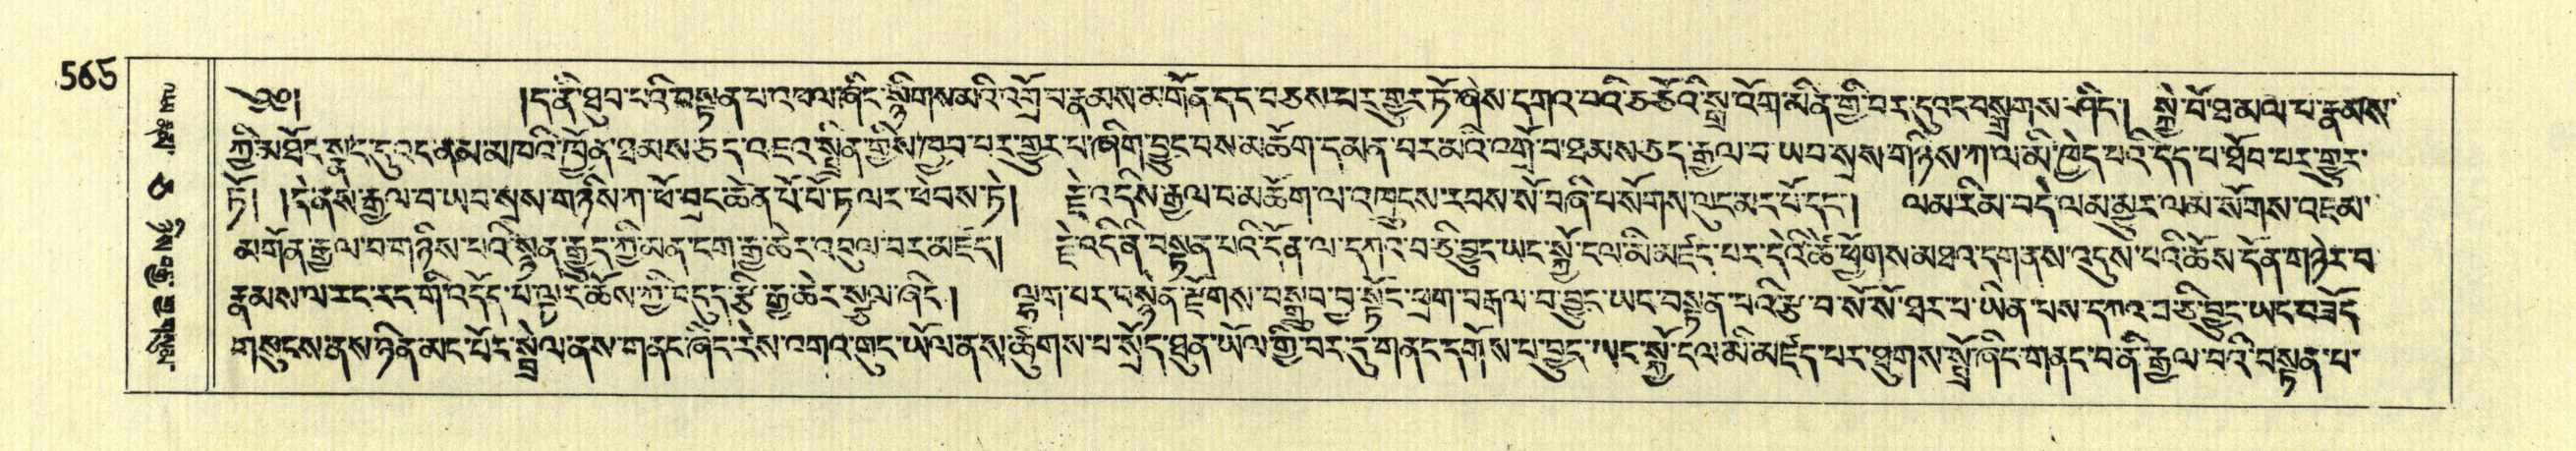༄༅། །ད་ནི་ཐུབ་པའི་བསྟན་པ་འཕལ་ཞིང་སྙིགས་མའི་འགྲོ་བ་རྣམས་མགོན་དང་བཅས་པར་གྱུར་ཏོ་ཞེས་དགའ་བའི་ཅ་ཅོའི་སྒྲ་འོག་མིན་གྱི་བར་དུའང་བསྒྲགས་ཤིང་། སྐྱེ་བོ་ཐ་མལ་པ་རྣམས་
ཀྱི་མཐོང་སྣང་དུའང་ནམ་མཁའི་ཁྱོན་ཐམས་ཅད་འཇའ་སྤྲིན་གྱིས་ཁྱབ་པར་གྱུར་པ་ཞིག་བྱུང་བས་མཆོག་དམན་བར་མའི་འགྲོ་བ་ཐམས་ཅད་རྒྱལ་བ་ཡབ་སྲས་གཉིས་ཀ་ལ་མི་ཁྱེད་པའི་དད་པ་ཐོབ་པར་གྱུར་
ཏོ། །དེ་ནས་རྒྱལ་བ་ཡབ་སྲས་གཉིས་ཀ་ཕོ་བྲང་ཆེན་པོ་པོ་ཏ་ལར་ཕེབས་ཏེ། རྗེ་འདིས་རྒྱལ་བ་མཆོག་ལ་འཁྲུངས་རབས་སོ་བཞི་པ་སོགས་ལུང་མང་པོ་དང་། ལམ་རིམ་བདེ་ལམ་མྱུར་ལམ་སོགས་འཇམ་
མགོན་རྒྱལ་བ་གཉིས་པའི་སྙན་རྒྱུད་ཀྱི་མན་ངག་རྒྱ་ཆེར་འབུལ་བར་མཛད། རྗེ་འདི་ནི་བསྟན་པའི་དོན་ལ་དཀའ་བ་ཅི་བྱུང་ཡང་སྐྱོ་ངལ་མི་མཛད་པར་དེའི་ཚེ་ཕྱོགས་མཐའ་དག་ནས་འདུས་པའི་ཆོས་དོན་གཉེར་བ་
རྣམས་ལ་རང་རང་གི་འདོད་པ་ལྟར་ཆོས་ཀྱི་བདུད་རྩི་རྒྱ་ཆེར་སྩལ་ཞིང་། ལྷག་པར་བསྙེན་རྫོགས་བསྒྲུབ་བྱ་སྟོང་ཕྲག་བརྒལ་བ་བྱུང་ཡང་བསྟན་པའི་རྩ་བ་སོ་སོ་ཐར་པ་ཡིན་པས་དཀའ་བ་ཅི་བྱུང་ཡང་བཟོད་
གསུངས་ནས་ཉིན་མང་པོར་སྦྲེལ་ནས་གནང་ཞིང་རེས་འགའ་གུང་ཡོལ་ནས་ཚུགས་པ་སྲོད་ཐུན་ཡོལ་གྱི་བར་དུ་གནང་དགོས་པ་བྱུང་ཡང་སྐྱོ་ངལ་མི་མཛད་པར་ཐུགས་སྤྲོ་ཞིང་གནང་བ་ནི་རྒྱལ་བའི་བསྟན་པ་